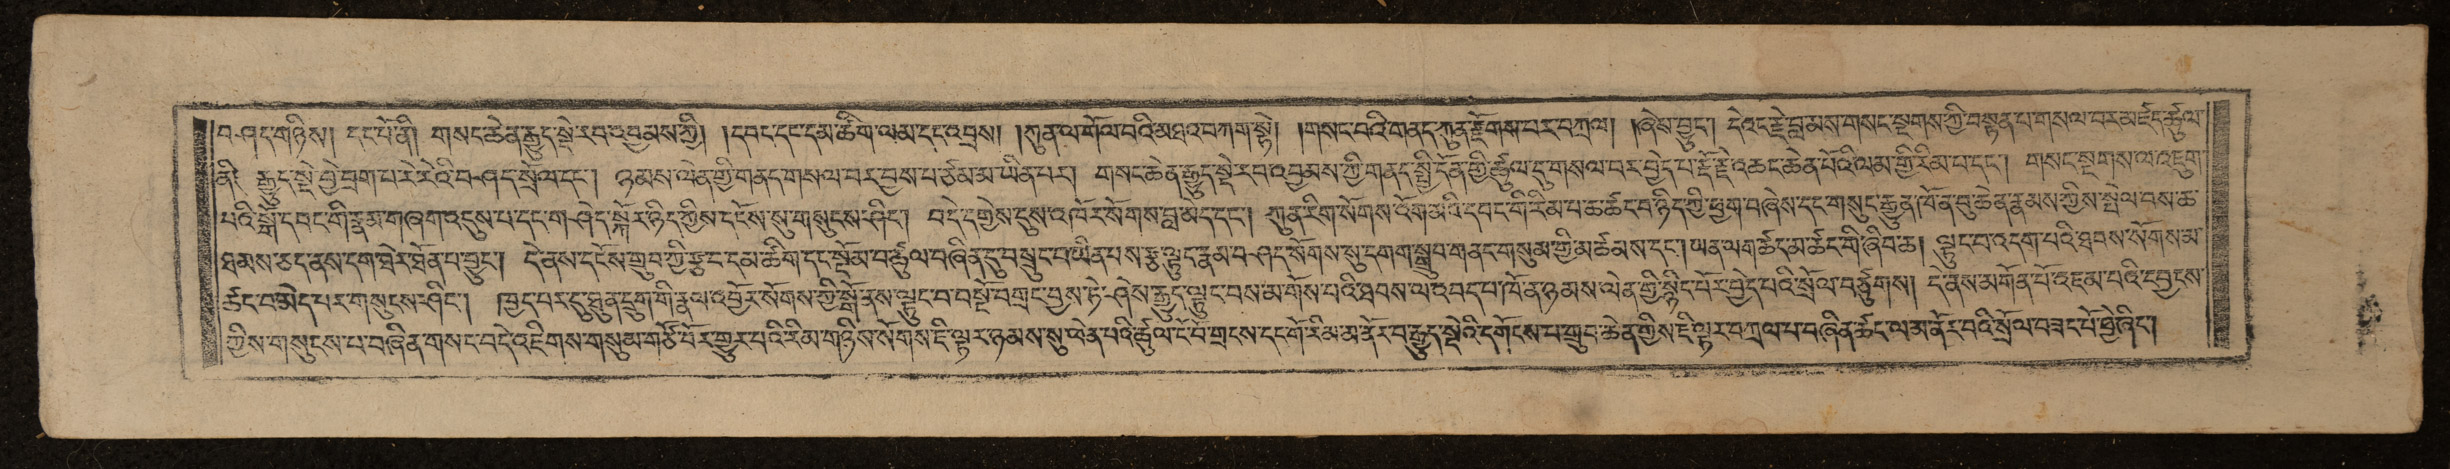བཤད་གཉིས། དང་པོ་ནི། གསང་ཆེན་རྒྱུད་སྡེ་རབ་འབྱམས་ཀྱི། །དབང་དང་དམ་ཚིག་ལམ་དང་འབྲས། །ཀུན་ལ་གོལ་བའི་མཐའ་བཀག་སྟེ། །གསང་བའི་གནད་ཀུན་རྫོགས་པར་བཀྲལ། །ཞེས་བྱུང་། དེའང་རྗེ་བླ་མས་གསང་སྔགས་ཀྱི་བསྟན་བ་གསལ་བར་མཛད་ཚུལ་
གྱི་རྒྱུང་སྡེ་བྱེ་བྲག་པ་རེ་རེའི་བཤད་སྲོལ་དང་། ཉམས་ལེན་གྱི་གནད་གསལ་བར་བྱས་པ་ཙམ་མ་ཡིན་པར། གསང་ཆེན་རྒྱུད་སྡེར་བ་འབྱམས་ཀྱི་གནད་སྤྱི་དོན་གྱི་ཚུལ་དུ་གསལ་བར་བྱེད་པ་རྡོ་རྗེ་འཆང་ཆེན་པོའི་ལམ་གྱི་རིམ་པ་དང་། གསང་སྔགས་ལ་འཇུག་
པའི་སྒོ་དབང་གི་རྣམ་གཞག་འདུས་བ་དང་གཤེད་སྐོར་ཉིད་ཀྱིས་དངོས་སུ་གསུངས་ཤིང་། བདེ་དགྱེས་དུས་འཁོར་སོགས་བླ་མེད་དང་། ཀུན་རིག་སོགས་འོག་མའི་དབང་གི་རིམ་པ་ཆ་ཚང་བ་ཉིད་ཀྱི་ཕྱག་པ་ཞེས་དང་གསུང་རྒྱུན་ཁོན་བུ་ཆེན་རྣམས་ཀྱིས་སྤེལ་བས་ཆ་
ཉམས་ཅན་ནས་དག་ཐེར་ཐོན་པ་བྱུང་། དེ་ནས་དངོས་གྲུབ་ཀྱི་རྩ་བ་དམ་ཚིག་དང་སྡོམ་པ་ཚུལ་བཞིན་དུ་བསྲུང་བ་ཡིན་པས་རྩ་ལྟུང་རྣམ་བཤད་སོགས་སུ་དགག་སྒྲུབ་གནང་གསུམ་གྱི་མཚམས་དང་། ཡན་ལག་ཚད་མ་ཚང་གི་ཞིབ་ཆ། ལྟུང་བ་འདག་པའི་ཐབས་སོགས་མ་
ཚང་བ་མེད་པར་གསུངས་ཤིང་། ཁྱད་པར་དུ་ཐུན་དྲུག་གི་རྣལ་འབྱོར་སོགས་ཀྱི་སྒོ་ནས་ལྟུང་བ་བསྔོ་བགྲང་བྱས་ཏེ་ཤས་རྒྱུད་ལྟུང་བསམ་གོས་བའི་ཐབས་ལ་འབད་པ་ཁོ་ན་ཉམས་ལེན་གྱི་སྙིང་པོར་བྱེད་པའི་སྲོལ་བཙུགས། དེ་ནས་མགོན་པོ་འཇམ་པའི་དབྱངས་
ཀྱིས་གསུངས་པ་བཞིན་གསང་བ་དེ་འཇིགས་གསུམ་གཙོ་བོར་གྱུར་བའི་རིམ་གཉིས་སོགས་ཇི་ལྟར་ཉམས་སུ་ལེན་པའི་ཚུལ་ངོ་བོ་གྲངས་དང་གོ་རིམ་མནོར་བ་རྒྱུད་སྡེའི་དགོངས་པ་གྲུབ་ཆེན་གྱིས་ཇི་ལྟར་བཀྲལ་བ་བཞིན་ཚང་ལ་མ་ནོང་བའི་སྲོལ་བཟང་པོ་ཕྱེ་ཞིང་།